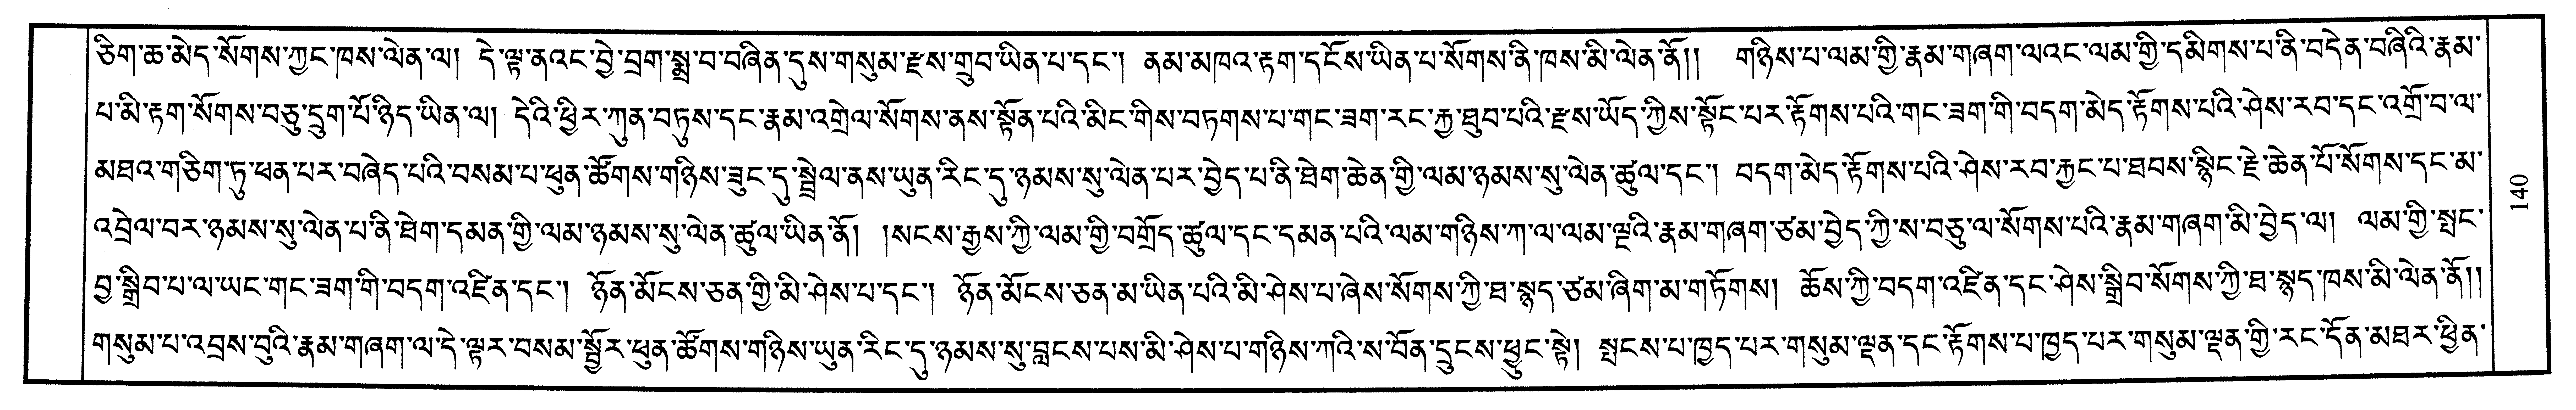ཅིག་ཆ་མེད་སོགས་ཀྱང་ཁས་ལེན་ལ། དེ་ལྟ་ནའང་བྱེ་བྲག་སྨྲ་བ་བཞིན་དུས་གསུམ་རྫས་གྲུབ་ཡིན་པ་དང་། ནམ་མཁའ་རྟག་དངོས་ཡིན་པ་སོགས་ནི་ཁས་མི་ལེན་ནོ།། གཉིས་པ་ལམ་གྱི་རྣམ་གཞག་ལའང་ལམ་གྱི་དམིགས་པ་ནི་བདེན་བཞིའི་རྣམ་
པ་མི་རྟག་སོགས་བཅུ་དྲུག་པོ་ཉིད་ཡིན་ལ། དེའི་ཕྱིར་ཀུན་བཏུས་དང་རྣམ་འགྲེལ་སོགས་ནས་སྟོན་པའི་མིང་གིས་བཏགས་པ་གང་ཟག་རང་རྐྱ་ཐུབ་པའི་རྫས་ཡོད་ཀྱིས་སྟོང་པར་རྟོགས་པའི་གང་ཟག་གི་བདག་མེད་རྟོགས་པའི་ཤེས་རབ་དང་འགྲོ་བ་ལ་
མཐའ་གཅིག་ཏུ་ཕན་པར་བཞེད་པའི་བསམ་པ་ཕུན་ཚོགས་གཉིས་ཟུང་དུ་སྦྲེལ་ནས་ཡུན་རིང་དུ་ཉམས་སུ་ལེན་པར་བྱེད་པ་ནི་ཐེག་ཆེན་གྱི་ལམ་ཉམས་སུ་ལེན་ཚུལ་དང་། བདག་མེད་རྟོགས་པའི་ཤེས་རབ་རྐྱང་པ་ཐབས་སྙིང་རྗེ་ཆེན་པོ་སོགས་དང་མ་
འབྲེལ་བར་ཉམས་སུ་ལེན་པ་ནི་ཐེག་དམན་གྱི་ལམ་ཉམས་སུ་ལེན་ཚུལ་ཡིན་ནོ། །སངས་རྒྱས་ཀྱི་ལམ་གྱི་བགྲོད་ཚུལ་དང་དམན་པའི་ལམ་གཉིས་ཀ་ལ་ལམ་ལྔའི་རྣམ་གཞག་ཙམ་བྱེད་ཀྱི་ས་བཅུ་ལ་སོགས་པའི་རྣམ་གཞག་མི་བྱེད་ལ། ལམ་གྱི་སྤང་
བྱ་སྒྲིབ་པ་ལ་ཡང་གང་ཟག་གི་བདག་འཛིན་དང་། ཉོན་མོངས་ཅན་གྱི་མི་ཤེས་པ་དང་། ཉོན་མོངས་ཅན་མ་ཡིན་པའི་མི་ཤེས་པ་ཞེས་སོགས་ཀྱི་ཐ་སྙད་ཙམ་ཞིག་མ་གཏོགས། ཆོས་ཀྱི་བདག་འཛིན་དང་ཤེས་སྒྲིབ་སོགས་ཀྱི་ཐ་སྙད་ཁས་མི་ལེན་ནོ།།
གསུམ་པ་འབྲས་བུའི་རྣམ་གཞག་ལ་དེ་ལྟར་བསམ་སྦྱོར་ཕུན་ཚོགས་གཉིས་ཡུན་རིང་དུ་ཉམས་སུ་བླངས་པས་མི་ཤེས་པ་གཉིས་ཀའི་ས་བོན་དྲུངས་ཕྱུང་སྟེ། སྤངས་པ་ཁྱད་པར་གསུམ་ལྡན་དང་རྟོགས་པ་ཁྱད་པར་གསུམ་ལྡན་གྱི་རང་དོན་མཐར་ཕྱིན་